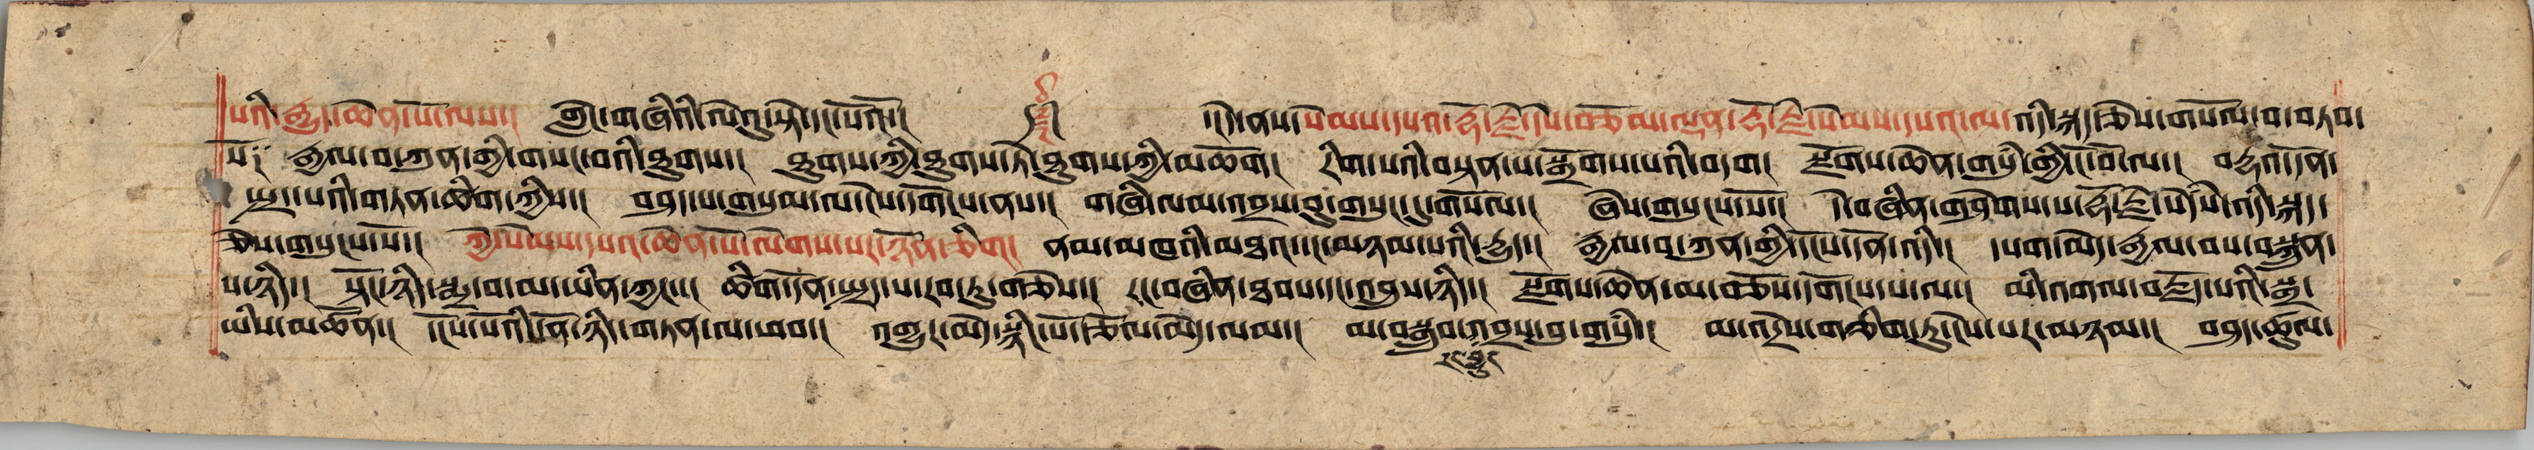པའི་རྒྱུད་ཆེན་པོ་ལས་། གླེང་གཞིའི་ལེའུ་སྟེ་དང་པོའོ་། ༼༈༽ ་།དེ་ནས་སེམས་དཔའ་རྡོ་རྗེ་དེས་བཅོམ་ལྡན་རྡོ་རྗེ་སེམས་དཔའ་ལ་འདི་སྐད་ཅེས་གསོལ་བ་བཏབ་
སོ༑ རྒྱལ་བ་ཀུན་གྱི་གསང་བའི་ཐུགས་། ཐུགས་ཀྱི་ཐུགས་ཏེ་ཐུགས་ཀྱི་མཆོག། རིག་པའི་བསྟན་པ་སྒྲོགས་པའི་བདག། སྫོགས་ཆེན་གསུཾ་གྱི་ངོ་བོ་ལ་། བརྡའ་དོན་
སྤྲད་པའི་གཏན་ཚིག་ཀྱིས་། བཤད་པ་གསུམ་ལ་ངེས་དགོངས་ནས་། གཞི་ལམ་འབྲས་བུ་གསུང་དུ་གསོལ་། ཞེས་གསུངས་སོ་། དེ་བཞིན་གཤེགས་པ་རྡོ་རྗེ་སེདཾས་འདི་སྐད་
ཅེས་གསུངས་སོ་། ཀྱེ་སེམས་དཔའ་ཆེན་པོ་ལེགས་པར་ཉོན་ཅིག། ནམ་མཁའི་མཐའ་དང་མཉམ་པའི་རྒྱུད་། རྒྱལ་བ་ཀུན་གྱི་དངོས་དོན་འདི་། དཔག་མེད་རྒྱལ་བས་བསྐྲུན་
པ་ཉིད་། སྟོང་ཉིད་སྨྲ་བ་མ་ཡིན་ཀྱང་་། ཚིག་དོན་སྤྲད་པ་རབ་ཏུ་གཅེས་། རང་བཞིན་ཐབས་དང་འབྲུས་ཉིད་། སྫོགས་ཆེན་མ་བཅོས་དགོངས་པ་ལ་། མི་འགལ་བརྗོད་པའི་སྒྲ་
ཡིས་མཚོན་། དངོས་པོའི་དོན་ཉིད་གཏན་ལ་ཕབ་། འགྱུར་མེད་སྙིང་པོ་རྩོལ་མེད་ལམ་། མ་བསྒྲུབ་རང་བྱུང་འབྲས་བུ་གསུཾ་། མ་འདྲེས་གཅིག་ཏུ་ངེས་པར་མཉམ་། བཤད་ཚུལ་